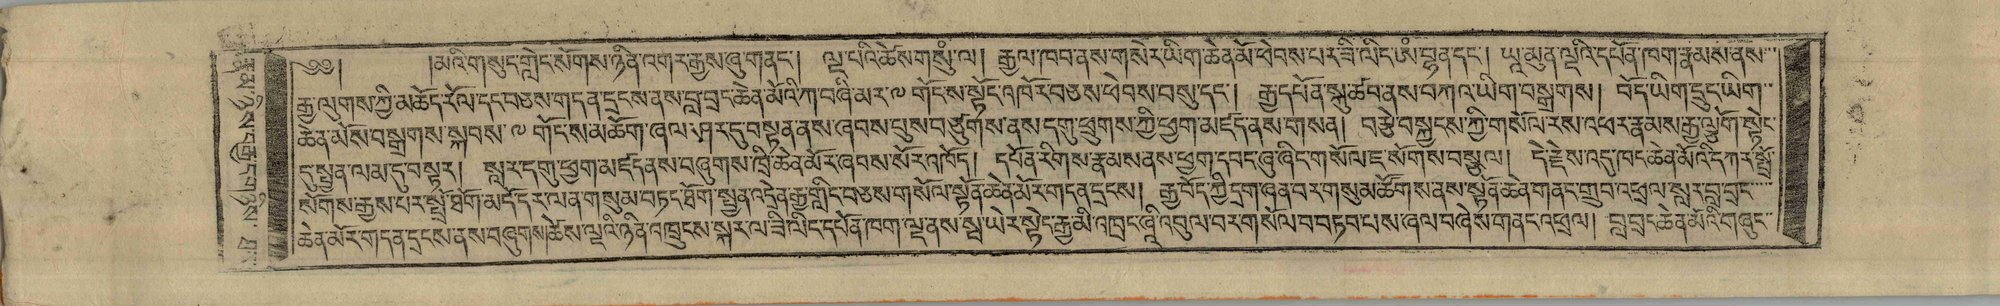༄༅། །མའི་གསུང་གླེང་སོགས་ཉིན་འགར་རྒྱས་ཞུ་གནང་། ལྔ་པའི་ཚེས་གསུམ་ལ། རྒྱལ་ཁབ་ནས་གསེར་ཡིག་ཆེན་མོ་ཕེབས་པར་ཟི་ལིང་ཨཾ་བྷན་དང་། ཡཱ་མུན་ལྔའི་དཔོན་ཁག་རྣམས་ནས་
རྒྱ་ལུགས་ཀྱི་མཆོད་རོལ་དང་བཅས་གདན་དྲངས་ནས་བླ་བྲང་ཆེན་མོའི་ཀ་བཞི་མར་༧གོང་ས་སྟོང་འཁོར་བཅས་ཕེབས་བསུ་དང་། རྒྱ་དཔོན་སྐུ་ཚབ་ནས་བཀའ་ཡིག་བསྒྲགས། བོད་ཡིག་དྲུང་ཡིག་
ཆེན་མོས་བསྒྲགས་སྐབས་༧གོང་ས་མཆོག་ཞལ་ཤར་དུ་བསྟན་ནས་ཞབས་པུས་བཙུགས་ནས་དགུ་ཕྲུགས་ཀྱི་ཕྱག་མཛད་ནས་གསན། བརྩེ་བསྐྱངས་ཀྱི་གསོལ་རས་འཕར་རྣམས་རྒྱ་ལྕོག་སྟེང་
དུ་སྤྱན་ལམ་དུ་བསྟར། སླར་དགུ་ཕྱག་མཛད་ནས་བཞུགས་ཁྲི་ཆེན་མོར་ཞབས་སོར་འཁོད། དཔོན་རིགས་རྣམས་ནས་ཕྱག་དབང་ཞུ་ཞིང་གསོལ་ཇ་སོགས་བསྩལ། དེ་རྗེས་འདུ་ཁང་ཆེན་མོའི་དཀར་སྤྲོ་
སོགས་རྒྱས་པར་སྤྲོ་ཐོག་མདོ་དར་ལན་གསུམ་བཏང་ཐོག་སྤྱན་འདྲེན་རྒྱ་གླིང་བཅས་གསོལ་སྟོན་ཆེན་མོར་གདན་དྲངས། རྒྱ་བོད་ཀྱི་དྲག་ཞན་བར་གསུམ་ཚོགས་ནས་སྟོན་ཆེན་གནང་གྲུབ་འཕྲལ་སླར་བླ་བྲང་
ཆེན་མོར་གདན་དྲངས་ནས་བཞུགས། ཚེས་ལྔའི་ཉིན་འཁྲུངས་སྐར་ལ་ཟི་ལིང་དཔོན་ཁག་ལྔ་ནས་སྦ་ཡེར་སྟེང་རྒྱ་མི་འཁྲང་ཞཱི་འབུལ་བར་གསོལ་བ་བཏབ་པས་ཞལ་བཞེས་གནང་འཕྲལ། བླ་བྲང་ཆེན་མོའི་གཞུང་